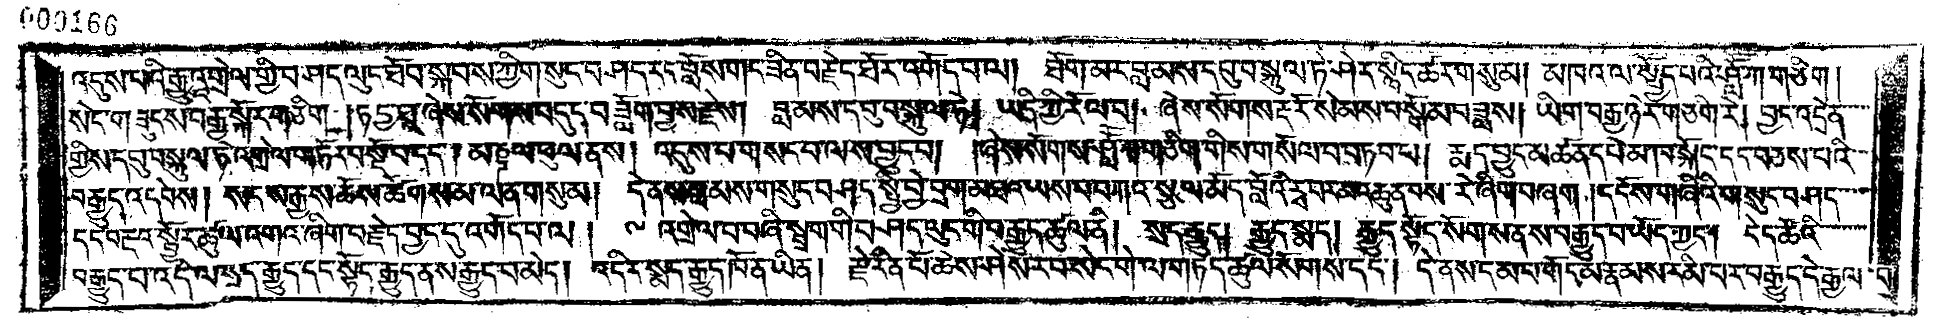འདུས་པའི་རྒྱུད་འགྲེལ་གྱི་བཤད་ལུང་ཐོབ་སྐབས་ཀྱི་གསུང་བཤད་རང་བློས་གང་ཟིན་བརྗེད་ཐོར་འགོད་པ་ལ། ཐོག་མར་བླ་མས་དབུ་བསྐུལ་ཏེ་ཤེར་སྙིང་ཚར་གསུམ། མཁའ་ལ་སྤྱོད་པའི་ཤླཽ་ཀ་གཅིག །
སེང་གཟུངས་བརྒྱ་སྐོར་གཅིག །ཏདྱ་ཐཱ་ཞེས་སོགས་བདུད་བཟློག་བྱས་རྗེས། བླ་མས་དབུ་བསྐུལ་ཏེ། ཡིད་ཀྱི་རོལ་བ། ཞེས་སོགས་རྡོར་སེམས་བསྒོམ་བཟླས། ཡིག་བརྒྱ་ཉེར་གཅིག་རེ། བྱང་འདྲེན་
གྱིས་དབུ་བསྐུལ་ཏེ་འགྲེལ་གཏོར་བསྔོ་བ་དང་། མཎྜལ་ཕུལ་ནས། འདུས་པ་གསང་བ་ལས་བྱུང་བ། །ཞེས་སོགས་ཤླཽ་ཀ་གཅིག་གིས་གསོལ་བ་བཏབ་པ། རྨད་བྱུང་མཚན་དཔེ་མ་ཁ་སྐོང་དང་བཅས་པའི་
བརྒྱུད་འདེབས། སངས་རྒྱས་ཆོས་ཚོགས་མ་ལན་གསུམ། དེ་ནས་བླ་མས་གསུང་བཤད་སྤྱི་བྱེ་བྲག་མཐའ་ཡས་པ་བཀའ་སྩལ་མོད་བློའི་རྭ་བར་མ་འཆུན་བས་རེ་ཞིག་བཞག །དངོས་གཞིའི་གསུང་བཤད་
དང་བརྡའ་སྦྱོར་ཚུལ་འགའ་ཞིག་བརྗེད་བྱང་དུ་འགོད་པ་ལ། ༧་འགྲེལ་པ་བཞི་སྦྲག་གི་བཤད་ལུང་གི་བརྒྱུད་ཚུལ་ནི། སྲད་རྒྱུད། རྒྱུད་སྨད། རྒྱུད་སྟོད་སོགས་ནས་བརྒྱུད་བ་ཡོད་ཀྱང་། ངེད་ཚོའི་
བརྒྱུད་པ་འདི་ལ་སྲད་རྒྱུད་དང་སྟོད་རྒྱུད་ནས་རྒྱུད་བ་མེད། འདིར་སྨད་རྒྱུད་ཁོ་ན་ཡིན། རྗེ་རིན་པོ་ཆེས་ཤེས་རབ་སེང་གེ་ལ་གཏད་ཚུལ་སོགས་དང་། དེ་ནས་དམ་པ་གོང་མ་རྣམས་རིམ་པར་བརྒྱུད་དེ་རྒྱལ་བ་